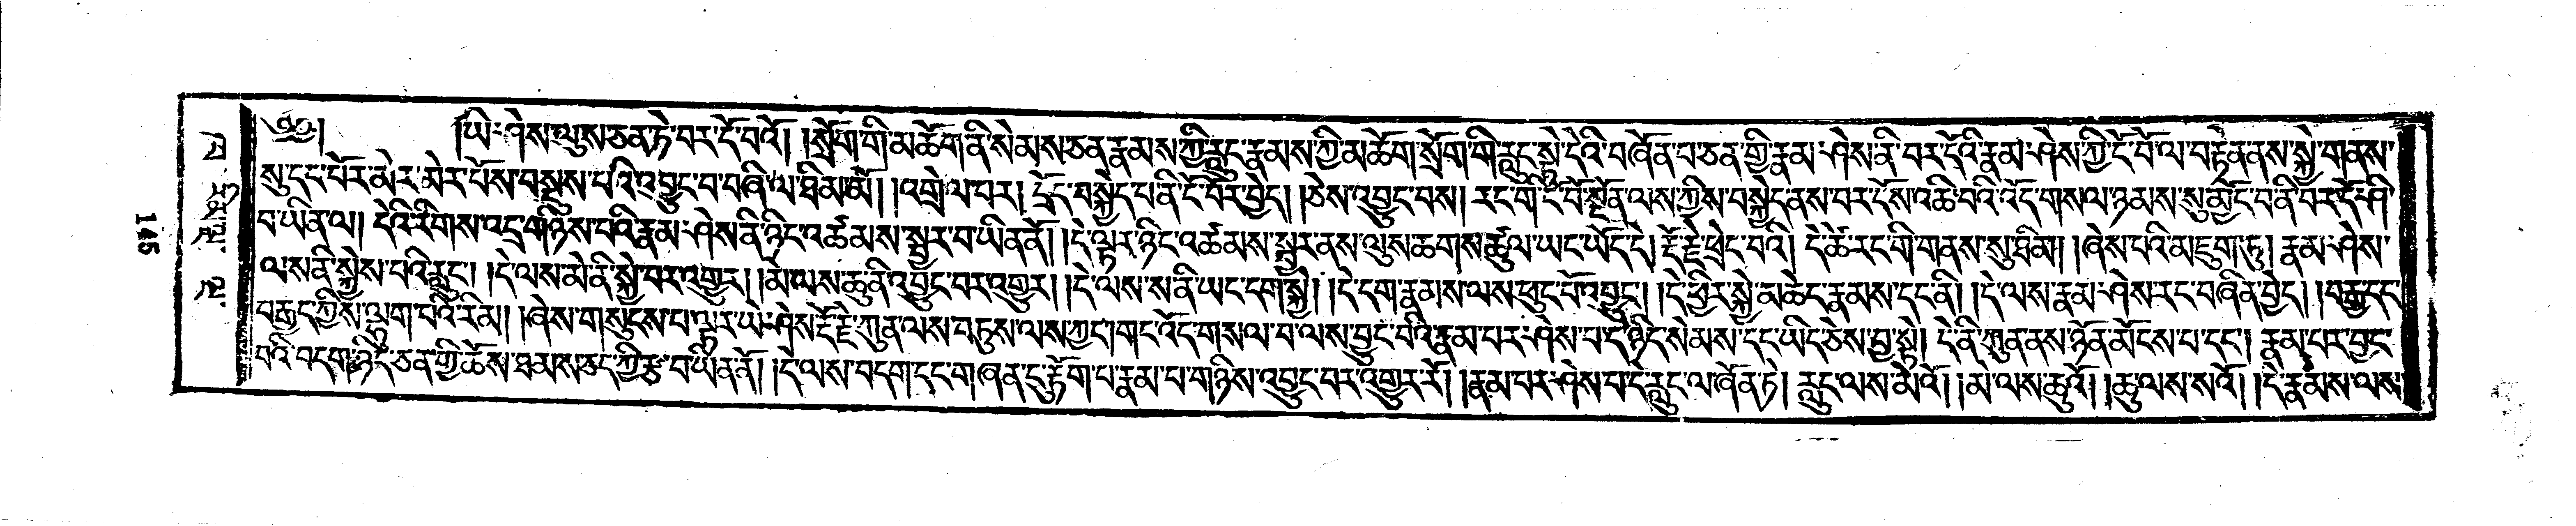༄༅། །ཡེ་ཤེས་ལུས་ཅན་ཏེ་བར་དོ་བའོ། །སྲོག་གི་མཆོག་ནི་སེམས་ཅན་རྣམས་ཀྱི་རླུང་རྣམས་ཀྱི་མཆོག་སྲོག་གི་རླུང་སྟེ་དེའི་བཞོན་པ་ཅན་གྱི་རྣམ་ཤེས་ནི་བར་དོའི་རྣམ་ཤེས་ཀྱི་ངོ་བོ་ལ་བརྟེན་ནས་སྐྱེ་གནས་
སུ་དང་པོར་མེར་མེར་པོས་བསྡུས་པའི་འབྱུང་བ་བཞི་ལ་ཐིམ་མོ། །འགྲེལ་པར། དྲོད་བསྐྱེད་པ་ནི་ངོ་བོར་བྱེད། །ཅེས་འབྱུང་བས། རང་གི་ངོ་བོ་སྔོན་ལས་ཀྱིས་བསྐྱེད་ནས་བར་དོས་འཆི་བའི་འོད་གསལ་ཉམས་སུ་མྱོང་བ་ནི་བར་དོ་ཤི་
བ་ཡིན་ལ། དེའི་རིགས་འདྲ་གཉིས་པའི་རྣམ་ཤེས་ནི་ཉིང་འཚམས་སྦྱར་བ་ཡིན་ནོ། །དེ་ལྟར་ཉིང་འཚམས་སྦྱར་ནས་ལུས་ཆགས་ཚུལ་ཡང་ཡོད་དེ། རྡོ་རྗེ་ཕྲེང་བའི། དེ་ཚེ་རང་གི་གནས་སུ་ཐིམ། །ཞེས་པའི་མཇུག་ཏུ། རྣམ་ཤེས་
ལས་ནི་སྐྱེས་པའི་རླུང་། །དེ་ལས་མེ་ནི་སྐྱེ་བར་འགྱུར། །མེ་ལས་ཆུ་ནི་འབྱུང་བར་འགྱུར། །དེ་ལས་ས་ནི་ཡང་དག་སྐྱེ། །དེ་དག་རྣམས་ལས་ཕུང་པོ་འབྱུང་། །དེ་ཕྱིར་སྐྱེ་མཆེད་རྣམས་དང་ནི། །དེ་ལས་རྣམ་ཤེས་རང་བཞིན་བྱེད། །བརྒྱ་དང་
བརྒྱད་ཀྱིས་ལྷག་པའི་རིམ། །ཞེས་གསུངས་པ་ལྟར་ཡེ་ཤེས་རྡོ་རྗེ་ཀུན་ལས་བཏུས་ལས་ཀྱང་། གང་འོད་གསལ་བ་ལས་བྱུང་བའི་རྣམ་པར་ཤེས་པ་དེ་ཉིད་སེམས་དང་ཡིད་ཅེས་བྱ་སྟེ། དེ་ནི་ཀུན་ནས་ཉོན་མོངས་པ་དང་། རྣམ་པར་བྱང་
པའི་བདག་ཉིད་ཅན་གྱི་ཆོས་ཐམས་ཅད་ཀྱི་རྩ་བ་ཡིན་ནོ། །དེ་ལས་བདག་དང་གཞན་དུ་རྟོག་པ་རྣམ་པ་གཉིས་འབྱུང་བར་འགྱུར་རོ། །རྣམ་པར་ཤེས་པ་དེ་རླུང་ལ་ཞོན་ཏེ། རླུང་ལས་མེའོ། །མེ་ལས་ཆུའོ། །ཆུ་ལས་སའོ། །དེ་རྣམས་ལས་